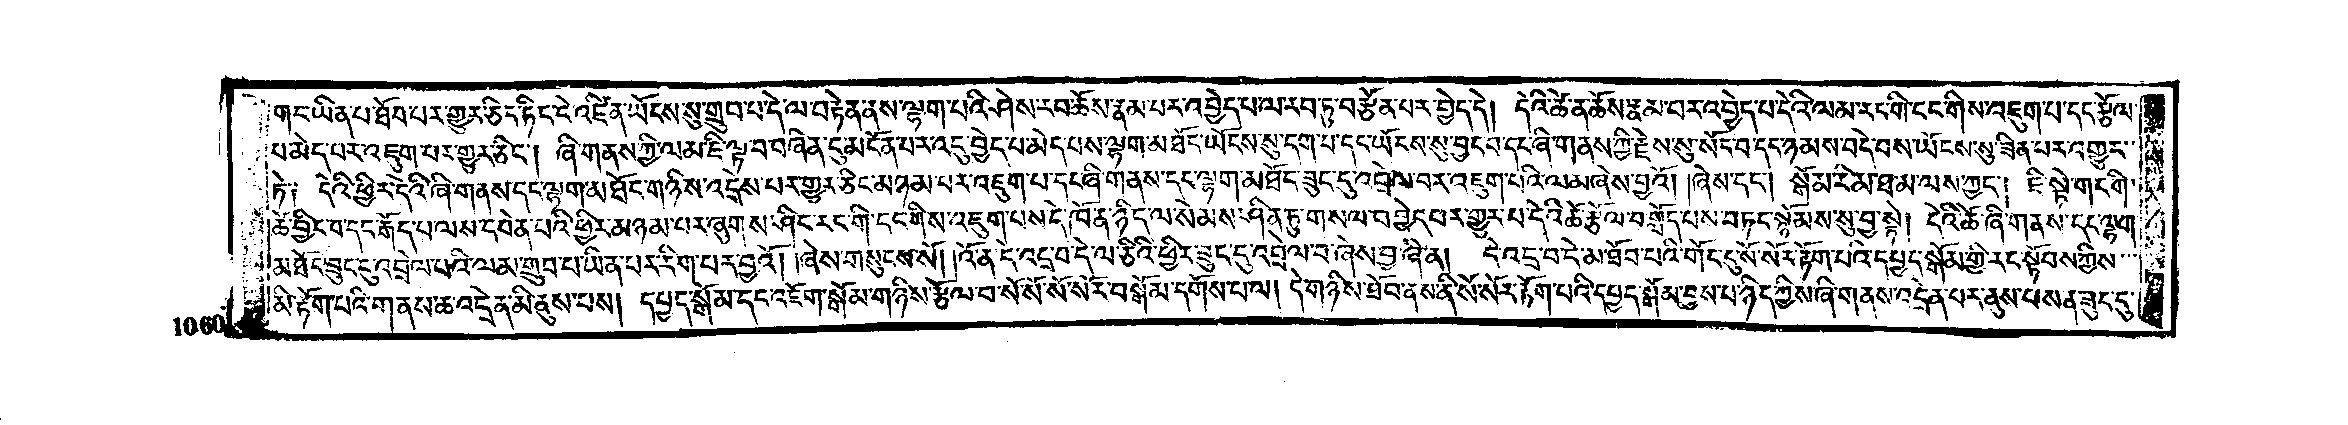གང་ཡིན་པ་ཐོབ་པར་གྱུར་ཅིང་ཏིང་ངེ་འཛིན་ཡོངས་སུ་གྲུབ་པ་དེ་ལ་བརྟེན་ནས་ལྷག་པའི་ཤེས་རབ་ཆོས་རྣམ་པར་འབྱེད་པ་ལ་རབ་ཏུ་བརྩོན་པར་བྱེད་དེ། དེའི་ཚེ་ན་ཆོས་རྣམ་པར་འབྱེད་པ་དེའི་ལམ་རང་གི་ངང་གིས་འཇུག་པ་དང་རྩོལ་
བ་མེད་པར་འཇུག་པར་གྱུར་ཅིང་། ཞི་གནས་ཀྱི་ལམ་ཇི་ལྟ་བ་བཞིན་དུ་མངོན་པར་འདུ་བྱེད་པ་མེད་པས་ལྷག་མཐོང་ཡོངས་སུ་དག་པ་དང་ཡོངས་སུ་བྱང་བ་དང་ཞི་གནས་ཀྱི་རྗེས་སུ་སོང་བ་དང་ཉམས་བདེ་བས་ཡོངས་སུ་ཟིན་པར་འགྱུར་
ཏེ༑ དེའི་ཕྱིར་དེའི་ཞི་གནས་དང་ལྷག་མཐོང་གཉིས་འདྲེས་པར་གྱུར་ཅིང་མཉམ་པར་འཇུག་པ་དང་ཞི་གནས་དང་ལྷག་མཐོང་ཟུང་དུ་འབྲེལ་བར་འཇུག་པའི་ལམ་ཞེས་བྱའོ། །ཞེས་དང་། སྒོམ་རིམ་ཐ་མ་ལས་ཀྱང་། ཇི་སྟེ་གང་གི་
ཚེ་བྱིང་བ་དང་རྒོད་པ་ལས་དབེན་པའི་ཕྱིར་མཉམ་པར་ཞུགས་ཤིང་རང་གི་ངང་གིས་འཇུག་པས་དེ་ཁོ་ན་ཉིད་ལ་སེམས་ཤིན་ཏུ་གསལ་བ་བྱུང་བར་གྱུར་པ་དེའི་ཚེ་རྩོལ་བ་གློད་པས་བཏང་སྙོམས་སུ་བྱ་སྟེ། དེའི་ཚེ་ཞི་གནས་དང་ལྷག་
མཐོང་ཟུང་དུ་འབྲེལ་བའི་ལམ་གྲུབ་པ་ཡིན་པར་རིག་པར་བྱའོ། །ཞེས་གསུངས་སོ། །འོ་ན་དེ་འདྲ་བ་དེ་ལ་ཅིའི་ཕྱིར་ཟུང་དུ་འབྲེལ་བ་ཞེས་བྱ་ཞེ་ན། དེ་འདྲ་བ་དེ་མ་ཐོབ་པའི་གོང་དུ་སོ་སོར་རྟོག་པའི་དཔྱད་སྒོམ་གྱི་རང་སྟོབས་ཀྱིས་
མི་རྟོག་པའི་གནས་ཆ་འདྲེན་མི་ནུས་པས། དཔྱད་སྒོམ་དང་འཇོག་སྒོམ་གཉིས་རྩོལ་བ་སོ་སོ་སོ་སོར་བསྒོམ་དགོས་པ་ལ། དེ་གཉིས་ཐོབ་ནས་ནི་སོ་སོར་རྟོག་པའི་དཔྱད་སྒོམ་བྱས་པ་ཉིད་ཀྱིས་ཞི་གནས་འདྲེན་པར་ནུས་པས་ན་ཟུང་དུ་